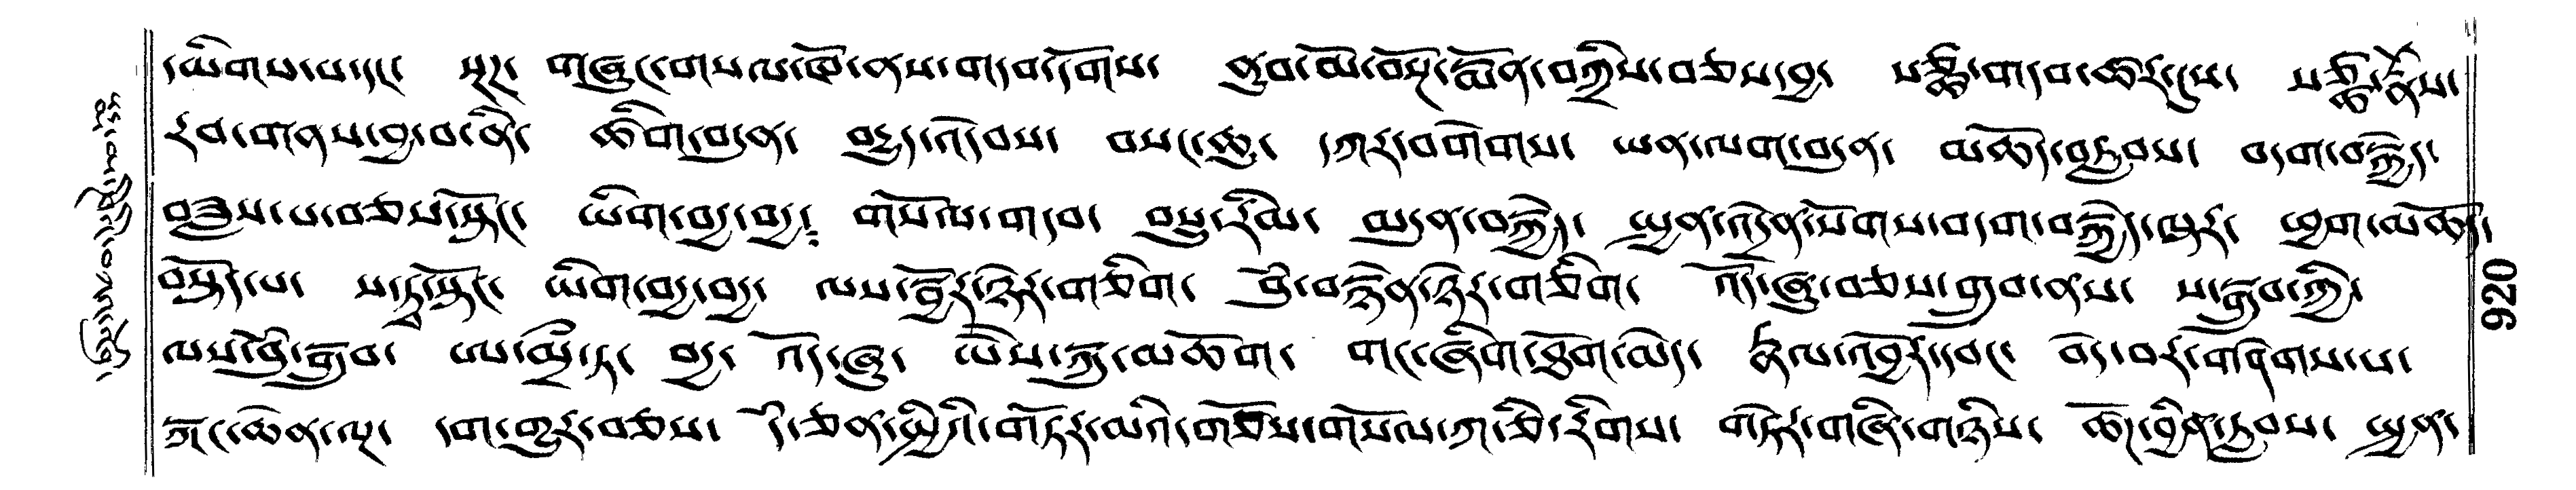དམིགས་པ་དང་། སྔགས། གཞུང་གསལ་ཁོ་ནས་གདབ་དགོས ནུབ་མོ་བསྔོ་སྨོན་བཀྲ་ཤིས་བཅས་བྱ། སཙྪ་གདབ་ཚར་དུས། སཙྪ་རྣམས་
རབ་གནས་བྱ་བ་ནི། ཚིག་བདུན། བརྒྱུད་འདེབས། བསང་ཆུ། དཀར་བགེགས། ཡན་ལག་བདུན། མཆོད་བརླབས། བདག་བསྐྱེད་
བཟླས་པ་བཅས་སྟོང་། ཡིག་བརྒྱ་བརྒྱ། གསོལ་གདབ། བསྡུ་རིམ། མདུན་བསྐྱེད། སྤྱན་འདྲེན་སོགས་བདག་བསྐྱེད་ལྟར། ཕྱག་མཆོད་
བསྟོད་པ། ས་ཏྭ་སྟོང་། ཡིག་བརྒྱ་བརྒྱ། ལས་སྦྱོར་ཉེར་གཅིག བུམ་བསྙེན་ཉེར་གཅིག འོད་ཞུ་བཅས་གྲུབ་ནས། ས་སྒྲུབ་ཀྱི་
ལས་བུམ་སྒྲུབ། ཨ་མྲྀ་ཏ༴ བརྒྱ། འོད་ཞུ། ཡེ་ཤེས་སྐུ་མཆོག༴ གང་ཞིག་ཐོག་མེད༴ རྣལ་འབྱོར་དབང༴བདེ་བར་གཤེགས་པ༴ 
སྐང་ཆེན་ལྔ། དག་གྱུར་བཅས། དམ་ཅན་སྤྱིའི་གཏོར་མའི་གཙོས་གསོལ་ཀ་རིགས། གཏེར་གཞི་གཉིས། ཚོགས་བྱིན་རླབས། སྤྱན་